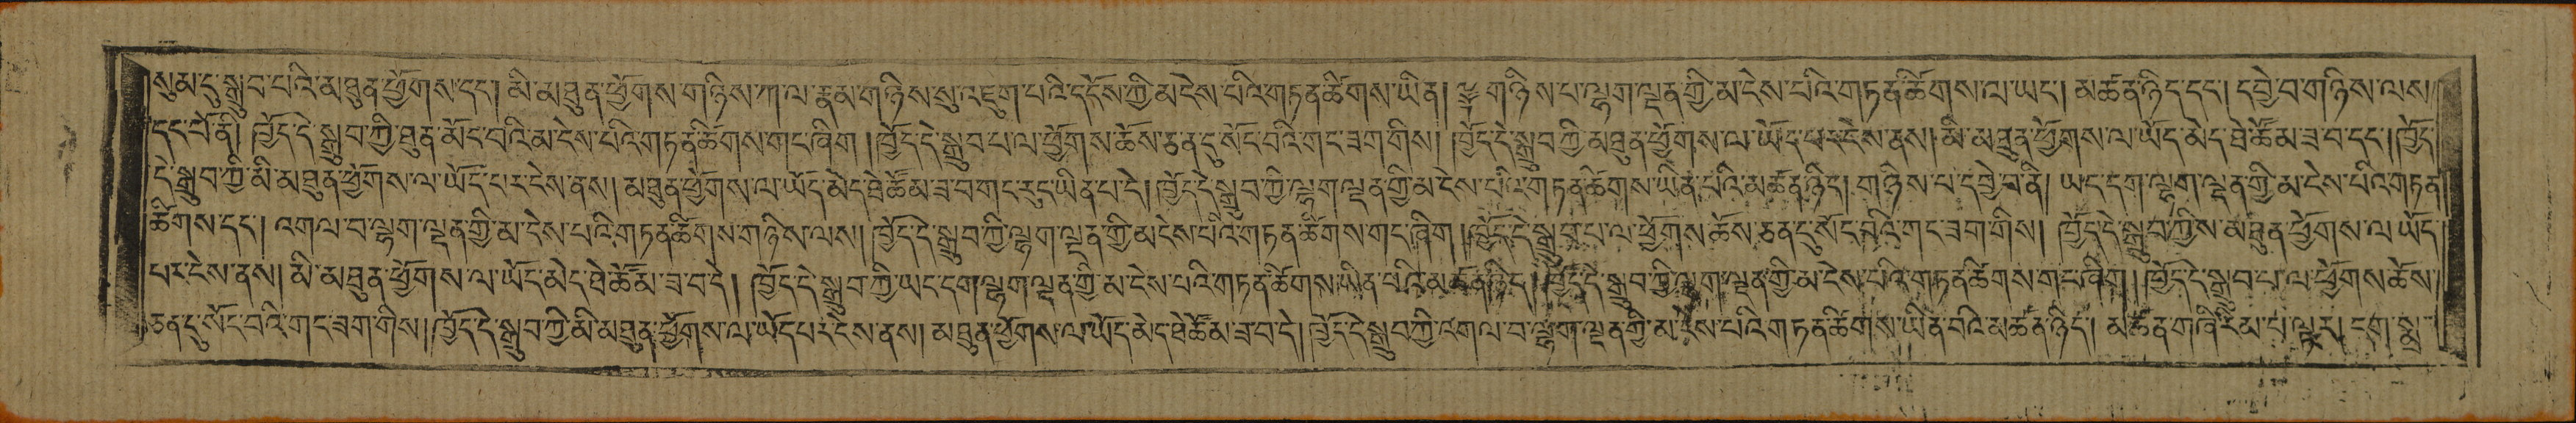སུམ་དུ་སྒྲུབ་པའི་མཐུན་ཕྱོགས་དང་། མི་མཐུན་ཕྱོགས་གཉིས་ཀ་ལ་རྣམ་གཉིས་སུ་འཇུག་པའི་དངོས་ཀྱི་མ་ངེས་པའི་གཏན་ཚིགས་ཡིན། ༈ གཉིས་པ་ལྷག་ལྡན་གྱི་མ་ངེས་པའི་གཏན་ཚིགས་ལ་ཡང་། མཚན་ཉིད་དང་། དབྱེ་བ་གཉིས་ལས་
དང་པོ་ནི། ཁྱོད་དེ་སྒྲུབ་ཀྱི་ཐུན་མོང་བའི་མ་ངེས་པའི་གཏན་ཚིགས་གང་ཞིག །ཁྱོད་དེ་སྒྲུབ་པ་ལ་ཕྱོགས་ཆོས་ཅན་དུ་སོང་བའི་གང་ཟག་གིས། ཁྱོད་དེ་སྒྲུབ་ཀྱི་མཐུན་ཕྱོགས་ལ་ཡོད་པར་ངེས་ནས། མི་མཐུན་ཕྱོགས་ལ་ཡོད་མེད་ཐེ་ཚོམ་ཟ་བ་དང་། ཁྱོད་
དེ་སྒྲུབ་ཀྱི་མི་མཐུན་ཕྱོགས་ལ་ཡོད་པར་ངེས་ནས། མཐུན་ཕྱོགས་ལ་ཡོད་མེད་ཐེ་ཚོམ་ཟ་བ་གང་རུང་ཡིན་པ་དེ། ཁྱོད་དེ་སྒྲུབ་ཀྱི་ལྷག་ལྡན་གྱི་མ་ངེས་པའི་གཏན་ཚིགས་ཡིན་པའི་མཚན་ཉིད། གཉིས་པ་དབྱེ་བ་ནི། ཡང་དག་ལྷག་ལྡན་གྱི་མ་ངེས་པའི་གཏན་
ཚིགས་དང་། འགལ་བ་ལྷག་ལྡན་གྱི་མ་ངེས་པའི་གཏན་ཚིགས་གཉིས་ལས། ཁྱོད་དེ་སྒྲུབ་ཀྱི་ལྷག་ལྡན་གྱི་མ་ངེས་པའི་གཏན་ཚིགས་གང་ཞིག །ཁྱོད་དེ་སྒྲུབ་པ་ལ་ཕྱོགས་ཆོས་ཅན་དུ་སོང་བའི་གང་ཟག་གིས། ཁྱོད་དེ་སྒྲུབ་ཀྱིས་མཐུན་ཕྱོགས་ལ་ཡོད་
པར་ངེས་ནས། མི་མཐུན་ཕྱོགས་ལ་ཡོད་མེད་ཐེ་ཚོམ་ཟ་བ་དེ། ཁྱོད་དེ་སྒྲུབ་ཀྱི་ཡང་དག་ལྷག་ལྡན་གྱི་མ་ངེས་པའི་གཏན་ཚིགས་ཡིན་པའི་མཚན་ཉིད། ཁྱོད་དེ་སྒྲུབ་ཀྱི་ལྷག་ལྡན་གྱི་མ་ངེས་པའི་གཏན་ཚིགས་གང་ཞིག །ཁྱོད་དེ་སྒྲུབ་པ་ལ་ཕྱོགས་ཆོས་
ཅན་དུ་སོང་བའི་གང་ཟག་གིས། ཁྱོད་དེ་སྒྲུབ་ཀྱི་མི་མཐུན་ཕྱོགས་ལ་ཡོད་པར་ངེས་ནས། མཐུན་ཕྱོགས་ལ་ཡོད་མེད་ཐེ་ཚོམ་ཟ་བ་དེ། ཁྱོད་དེ་སྒྲུབ་ཀྱི་འགལ་བ་ལྷག་ལྡན་གྱི་མ་ངེས་པའི་གཏན་ཚིགས་ཡིན་པའི་མཚན་ཉིད། མཚན་གཞི་རིམ་པ་ལྟར། ངག་སྨྲ་